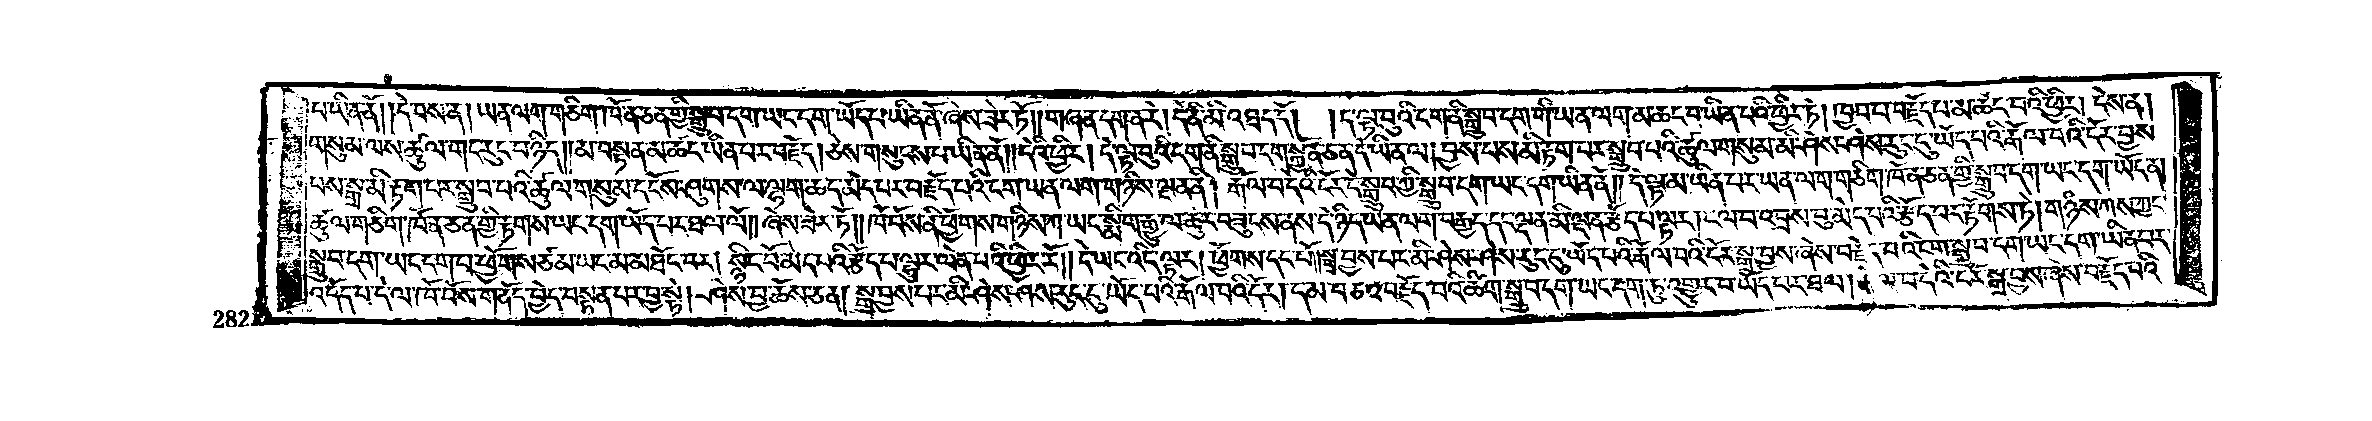པ་ཡིན་ནོ། །དེ་བས་ན། ཡན་ལག་གཅིག་ཁོ་ན་ཅན་གྱི་སྒྲུབ་དག་ཡང་དག་ཡོད་པ་ཡིན་ནོ་ཞེས་ཟེར་ཏེ། །གཞན་དག་ན་རེ། དེ་ནི་མི་འཐད་དོ། །ད་ལྟ་བུའི་ངག་ནི་སྒྲུབ་དག་གི་ཡན་ལག་མ་ཚང་བ་ཡིན་པའི་ཕྱིར་ཏེ། ཁྱབ་པ་བརྗོད་པ་མ་ཚང་བའི་ཕྱིར། དེས་ན།
གསུམ་ལས་ཚུལ་གང་རུང་བ་ཉིད། །མ་བསྟན་མ་ཚང་ཡིན་པར་བརྗོད། ཅེས་གསུངས་པ་ཡིན་ནོ། །དེའི་ཕྱིར། དེ་ལྟ་བུའི་དག་ནི་སྒྲུབ་དག་སྐྱོན་ཅན་དེ་ཡིན་ལ། བྱས་པས་མི་རྟག་པར་སྒྲུབ་པའི་ཚུལ་གསུམ་མི་ཤེས་ཤེས་རུང་དུ་ཡོད་པའི་རྒོལ་བའི་ངོར་བྱས་
པས་སྒྲ་མི་རྟག་པར་སྒྲུབ་པའི་ཚུལ་གསུམ་དངོས་ཤུགས་ལ་ལྷག་ཚད་མེད་པར་བརྗོད་པའི་ངག་ཡན་ལག་གཉིས་ལྡན་ནི། རྒོལ་བ་དེའི་ངོར་དེ་སྒྲུབ་ཀྱི་སྒྲུབ་དག་ཡང་དག་ཡིན་ནོ། །དེ་ལྟ་མ་ཡིན་པར་ཡན་ལག་གཅིག་ཁོ་ན་ཅན་གྱི་སྒྲུབ་དག་ཡང་དག་ཡོད་ན།
ཚུལ་གཅིག་ཁོ་ན་ཅན་གྱི་རྟགས་ཡང་དག་ཡོད་པར་ཐལ་ལོ། །ཞེས་ཟེར་ཏོ། །ཁོ་བོས་ནི་ཕྱོགས་གཉིས་ཀ་ཡང་སྨིག་རྒྱུ་ལ་ཚུར་བཟུངས་ནས་དེ་ཉིད་ཡན་ལག་བརྒྱད་དང་ལྡན་མི་ལྡན་རྩོད་པ་ལྟར། ངལ་བ་འབྲས་བུ་མེད་པའི་རྩོད་པར་རྟོགས་ཏེ། གཉིས་ཀས་ཀྱང་
སྒྲུབ་དག་ཡང་དག་པ་ཕྱོགས་ཙམ་ཡང་མ་མཐོང་བར། སྙིང་པོ་མེད་པའི་རྩོད་པ་ལྷུར་ལེན་པའི་ཕྱིར་རོ། །དེ་ཡང་འདི་ལྟར། ཕྱོགས་དང་པོ། །སྒྲ་བྱས་པར་མི་ཤེས་ཤེས་རུང་དུ་ཡོད་པའི་རྒོལ་བའི་ངོར་སྒྲ་བྱས་ཞེས་བརྗོད་པའི་ངག་སྒྲུབ་དག་ཡང་དག་ཡིན་པར་
འདོད་པ་དེ་ལ་ཁོ་བོས་གནོད་བྱེད་བསྟན་པར་བྱ་སྟེ། ཤེས་བྱ་ཆོས་ཅན། སྒྲ་བྱས་པར་མི་ཤེས་ཤེས་རུང་དུ་ཡོད་པའི་རྒོལ་བའི་དོར། དམ་བཅའ་བརྗོད་པའི་ཚིག་སྒྲུབ་དག་ཡང་དག་ཏུ་འགྱུར་བ་ཡོད་པར་ཐལ། རྒོལ་བ་དེའི་ངོར་སྒྲ་བྱས་ཞེས་བརྗོད་པའི་